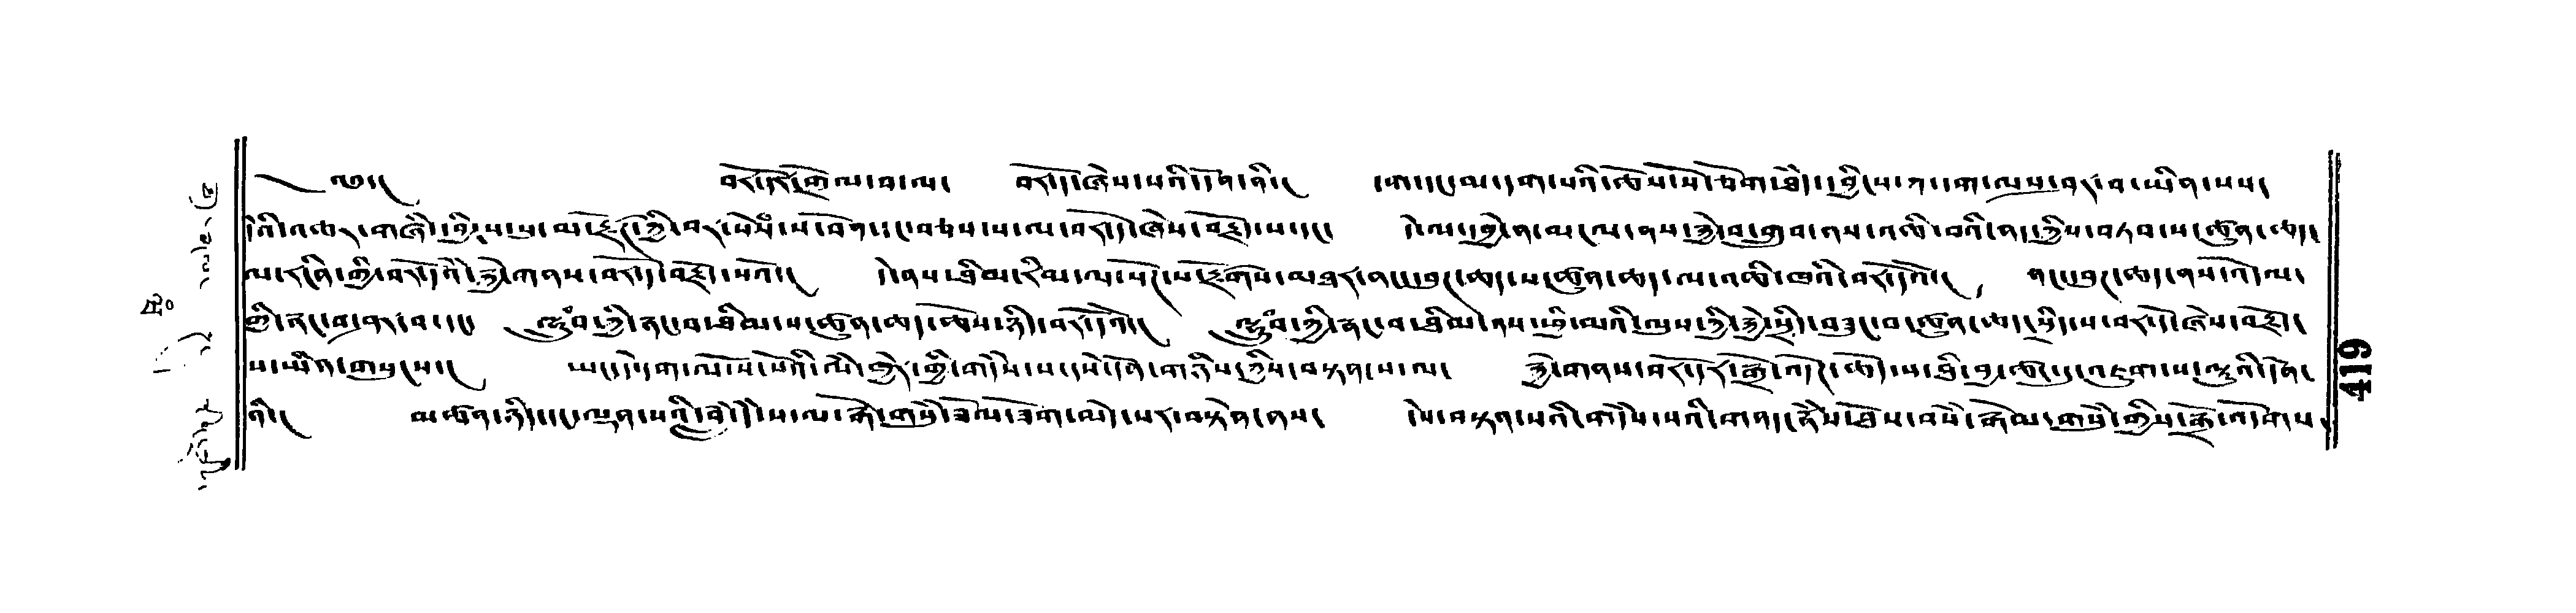བར་དོར་གྲོལ་བ་ལ། བར་དོ་ཞེས་པའི་དོན་ནི། དག་དང་མ་དག་པའི་ཆོས་སོ་ཅོག་ཐམས་ཅད་དབྱིངས་ཀ་དག་ལས་ཤར་བ་ཡིན་པས། 
དེའི་འཆར་གཞི་དབྱིངས་སུ་མ་རྫོགས་ཀྱི་བར་སེམས་ས་བོན་དང་བཅས་པ་ལ་བར་དོ་ཞེས་བརྗོད་པ་དང་། དེ་ལ་དབྱེ་ན་མངལ་ནས་སྐྱེ་བ་གྲུབ་ནས་འཆི་བའི་ནད་ཀྱིས་བཏབ་པ་ཚུན་ཆད་
ལ་རང་བཞིན་གྱི་བར་དོའམ་སྐྱེ་གནས་བར་དོ་བརྗོད་པའོ། དེ་ནས་ཐིམ་རིམ་ལ་སོགས་པ་རྫོགས་མཐར་ནང་དབུགས་ཆད་པ་ཚུན་ཆད་ལ་འཆི་ཁའི་བར་དོའོ། ནང་དབུགས་ཆད་ནས་འོད་གསལ་
གྱི་སྣང་བ་ཤར་བ་དང་། ལྷུན་གྲུབ་ཀྱི་སྣང་བ་ཐིམ་པ་ཚུན་ཆད་ཆོས་ཉིད་བར་དོའོ། ལྷུན་གྲུབ་ཀྱི་སྣང་བ་ཐིམ་ནས་ཕྱི་མའི་ལུས་ཀྱི་སྐྱེ་སྲིད་བཟུང་བ་ཚུན་ཆད་སྲིད་པ་བར་དོ་ཞེས་བརྗོད་
པ་ཡིན་གསུངས། ཡག་དེ་དག་ལ་སོ་སོའི་ལམ་ཁྱེར་གྱི་གདམས་པ་དཔེ་དོན་གཉིས་ཀྱིས་བསྟན་པ་ལ། སྐྱེ་གནས་བར་དོར་སྒྲོ་འདོགས་ཆོད་པ་ཐི་བྱ་ཚང་དུ་འཇུག་པ་ལྟ་བུའི་དོན་
ནི།མཚན་ཉིད་དང་ལྡན་པའི་བླ་མ་དམ་པ་ལ་སྒོ་གསུམ་ཟོལ་མེད་པར་བསྟེན་ནས། དཔེ་བསྟན་པའི་གདམས་པའི་གནད་རྣམས་ཐོས་བསམ་སྒོམ་གསུམ་གྱིས་སྒྲོ་འདོགས་